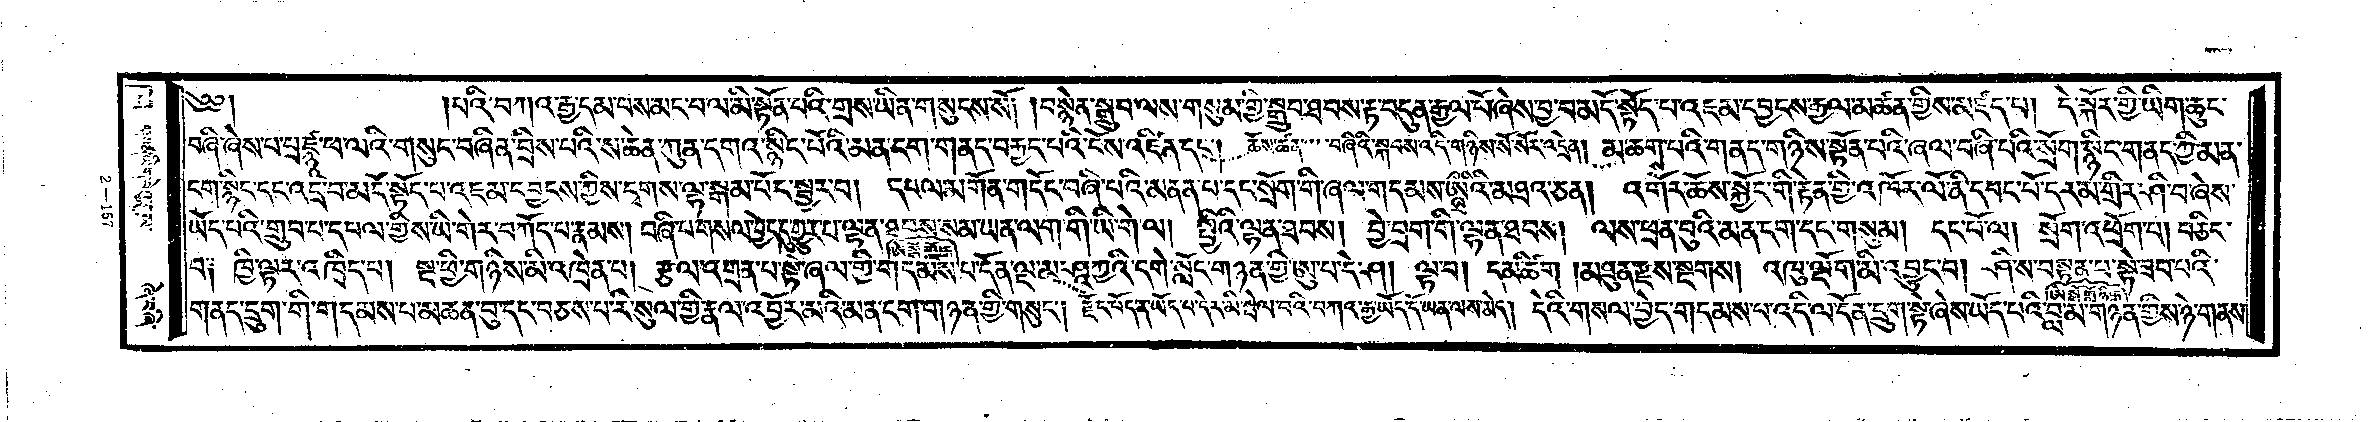༄༅། །པའི་བཀའ་རྒྱ་དམ་པས་མང་བ་ལ་མི་སྟོན་པའི་གྲས་ཡིན་གསུངས་སོ། །བསྙེན་སྒྲུབ་ལས་གསུམ་གྱི་སྒྲུབ་ཐབས་རྟ་བདུན་རྒྱལ་པོ་ཞེས་བྱ་བ་མདོ་སྟོད་པ་འཇམ་དབྱངས་རྒྱལ་མཚན་གྱིས་མཛད་པ། དེ་སྐོར་གྱི་ཡིག་ཆུང་
བཞི་ཞེས་པ་པྲཛྙཱ་ཕ་ལའི་གསུང་བཞིན་བྲིས་པའི་ས་ཆེན་ཀུན་དགའ་སྙིང་པོའི་མན་ངག་གནད་བརྐྱང་པའི་ངོས་འཛིན་དང་། ཆོས་ཚན་བཞིའི་སྐབས་འདི་གཉིས་སོ་སོར་འདྲེན།  མ་ཆགས་པའི་གནད་གཉིས་སྟོན་པའི་ཞལ་བཞི་པའི་སྲོག་སྙིང་གནང་ཀྱི་མན་
ངག་སྙིང་དང་འདྲ་བ་མདོ་སྟོད་པ་འཇམ་དབྱངས་ཀྱིས་དྭགས་ལྷ་སྒམ་པོང་སྦྱར་བ། དཔལ་མགོན་གདོང་བཞི་པའི་མནན་པ་དང་སྲོག་གི་ཞལ་གདམས་ཨིཐིའི་མཐའ་ཅན། འགོར་ཆོས་སྐྱོང་གི་རྟེན་གྱི་འཁོར་ལོ་ནི་དབང་པོ་དར་མ་གྲིར་ཤི་བ་ཞེས་
ཡོད་པའི་གྲུབ་པ་དཔལ་གྱིས་ཡི་གེར་བཀོད་པ་རྣམས། བཞི་པ་གསལ་བྱེད་དུ་གྱུར་པ་ལྷན་ཐབས་སམ་ཡན་ལག་གི་ཡི་གེ་ལ། སྤྱིའི་ལྷན་ཐབས། བྱེ་བྲག་གི་ལྷན་ཐབས། ལས་ཕྲན་བུའི་མན་ངག་དང་གསུམ། དང་པོ་ལ། སྲོག་འཕྲོག་པ། བཅིང་
བ༑ ཁྱི་ལྟར་འཁྲིད་པ། སྔ་ཕྱི་གཉིས་མི་འཁྲེན་པ། རྩལ་འགྲན་པ་སྟེ་ཞལ་གྱི་གདམས་པ་དོན་ལྔ་མ་རྫོང་པོད་ན་ཡོད་པ་དེར་མི་སྤེལ་བའི་བཀའ་རྒྱ་ཡོད་དོ་ཡན་ལས་མེད།  ཤཱཀྱའི་དགེ་སློང་གཉན་གྱི་ཨུ་པ་དེ་ཤ། ལྟ་བ། དམ་ཚིག་
།མཐུན་རྫས་སྔགས། འཁུ་ལྡོག་མི་འབྱུང་བ། ཤི་ས་བསྟན་པ་སྟེ་ཟབ་པའི་གནད་དྲུག་གི་གདམས་པ་མཆན་བུ་དང་བཅས་པ་རི་སུལ་གྱི་རྣལ་འབྱོར་མའི་མན་ངག་གཉན་གྱི་གསུང༑ དེའི་གསལ་བྱེད་གདམས་པ་འདི་ལ་དོན་དྲུག་སྟེ་ཞེས་ཡོད་པའི་བླ་མ་གཉེན་གྱིས་ཉེ་གནས་